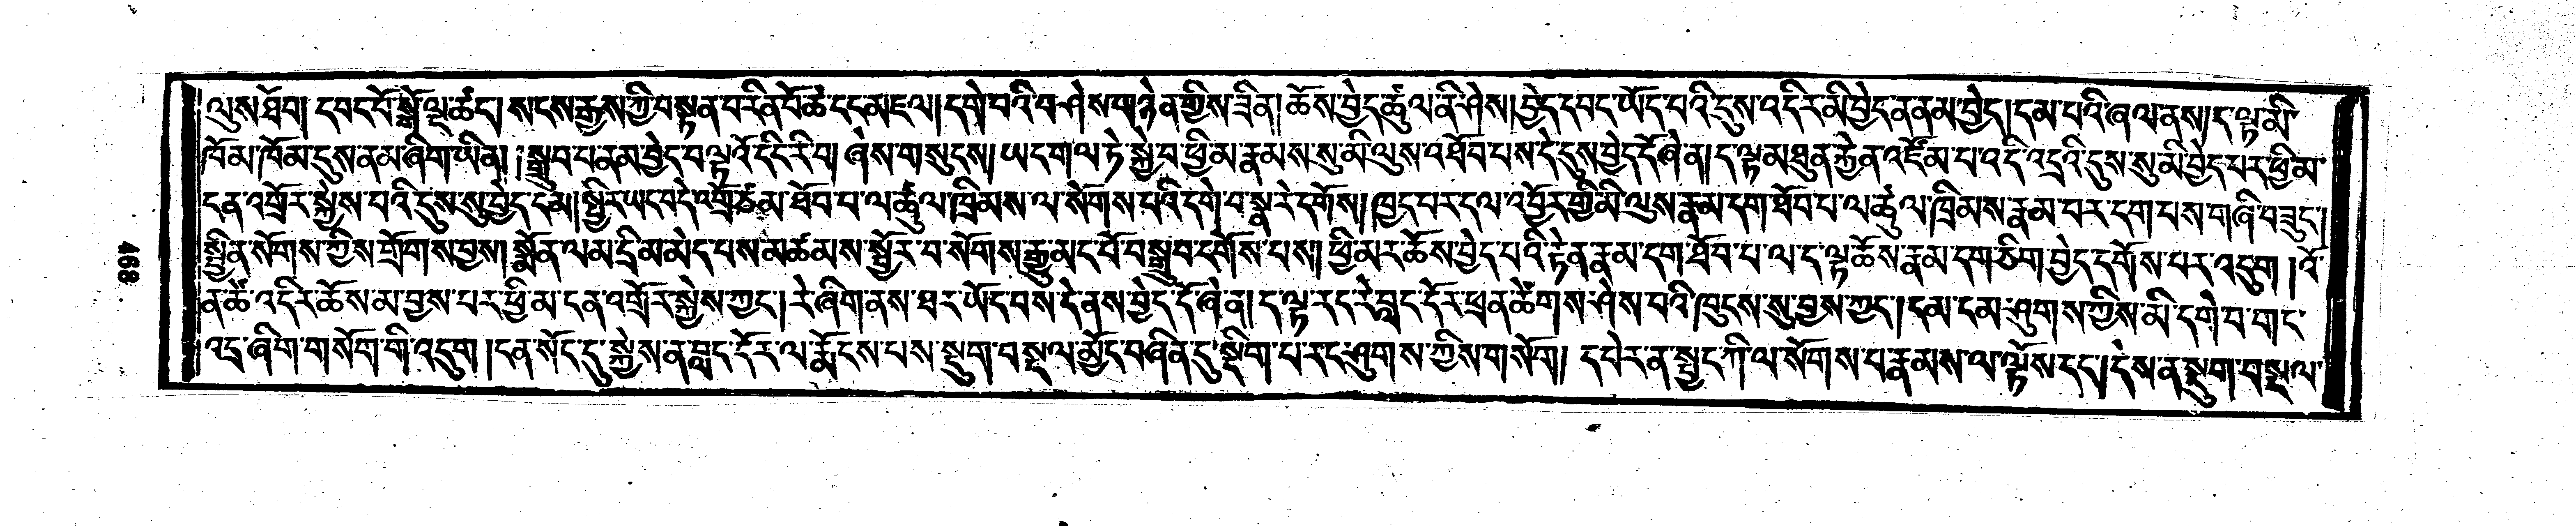ལུས་ཐོབ། དབང་པོ་སྒོ་ལྔ་ཚང་། སངས་རྒྱས་ཀྱི་བསྟན་པ་རིན་པོ་ཆེ་དང་མཇལ། དགེ་བའི་བཤེས་གཉེན་གྱིས་ཟིན། ཆོས་བྱེད་ཚུལ་ནི་ཤེས། བྱེད་དབང་ཡོད་པའི་དུས་འདིར་མི་བྱེད་ན་ནམ་བྱེད། དམ་པའི་ཞལ་ནས། ད་ལྟ་མི་
ཁོམ་ཁོམ་དུས་ནམ་ཞིག་ཡིན། །སྒྲུབ་པ་ནམ་བྱེད་བལྟའོ་དིང་རི་བ། ཞེས་གསུངས། ཡང་གལ་ཏེ་སྐྱེ་བ་ཕྱི་མ་རྣམས་སུ་མི་ལུས་འཐོབ་པས་དེ་དུས་བྱེད་དོ་ཞེ་ན། ད་ལྟ་མཐུན་རྐྱེན་འཛོམ་པ་འདི་འདྲའི་དུས་སུ་མི་བྱེད་པར་ཕྱི་མ་
ངན་འགྲོར་སྐྱེས་པའི་དུས་སུ་བྱེད་དམ། སྤྱིར་ཡང་བདེ་འགྲོ་ཙམ་ཐོབ་པ་ལ་ཚུལ་ཁྲིམས་ལ་སོགས་པའི་དགེ་བ་སྣ་རེ་དགོས། ཁྱད་པར་དལ་འབྱོར་གྱི་རྨི་ལུས་རྣམ་དག་ཐོབ་པ་ལ་ཚུལ་ཁྲིམས་རྣམ་པར་དག་པས་གཞི་བཟུང་།
སྦྱིན་སོགས་ཀྱིས་གྲོགས་བྱས། སྨོན་ལམ་དྲི་མ་མེད་པས་མཚམས་སྦྱོར་བ་སོགས་རྒྱུ་མང་པོ་བསྒྲུབ་དགོས་པས། ཕྱི་མར་ཆོས་བྱེད་པའི་རྟེན་རྣམ་དག་ཐོབ་པ་ལ་ད་ལྟ་ཆོས་རྣམ་དག་ཅིག་བྱེད་དགོས་པར་འདུག །འོ་
ན་ཚེ་འདིར་ཆོས་མ་བྱས་པར་ཕྱི་མ་ངན་འགྲོར་སྐྱེས་ཀྱང་། རེ་ཞིག་ནས་ཐར་ཡོང་བས་དེ་ནས་བྱེད་དོ་ཞེ་ན། ད་ལྟ་རང་རེ་བླང་དོར་ཕྲན་ཚེགས་ཤེས་པའི་ཁུངས་སུ་བྱས་ཀྱང་། ངམ་ངམ་ཤུགས་ཀྱིས་མི་དགེ་བ་གང་
འདྲ་ཞིག་གསོག་གི་འདུག །ངན་སོང་དུ་སྐྱེས་ན་བླང་དོར་ལ་རྨོངས་པས་སྡུག་བསྔལ་མྱོང་བཞིན་དུ་སྡིག་པ་རང་ཤུགས་ཀྱིས་གསོག །དཔེར་ན་སྤྱང་ཀི་ལ་སོགས་པ་རྣམས་ལ་ལྟོས་དང་། དེས་ན་སྡུག་བསྔལ་